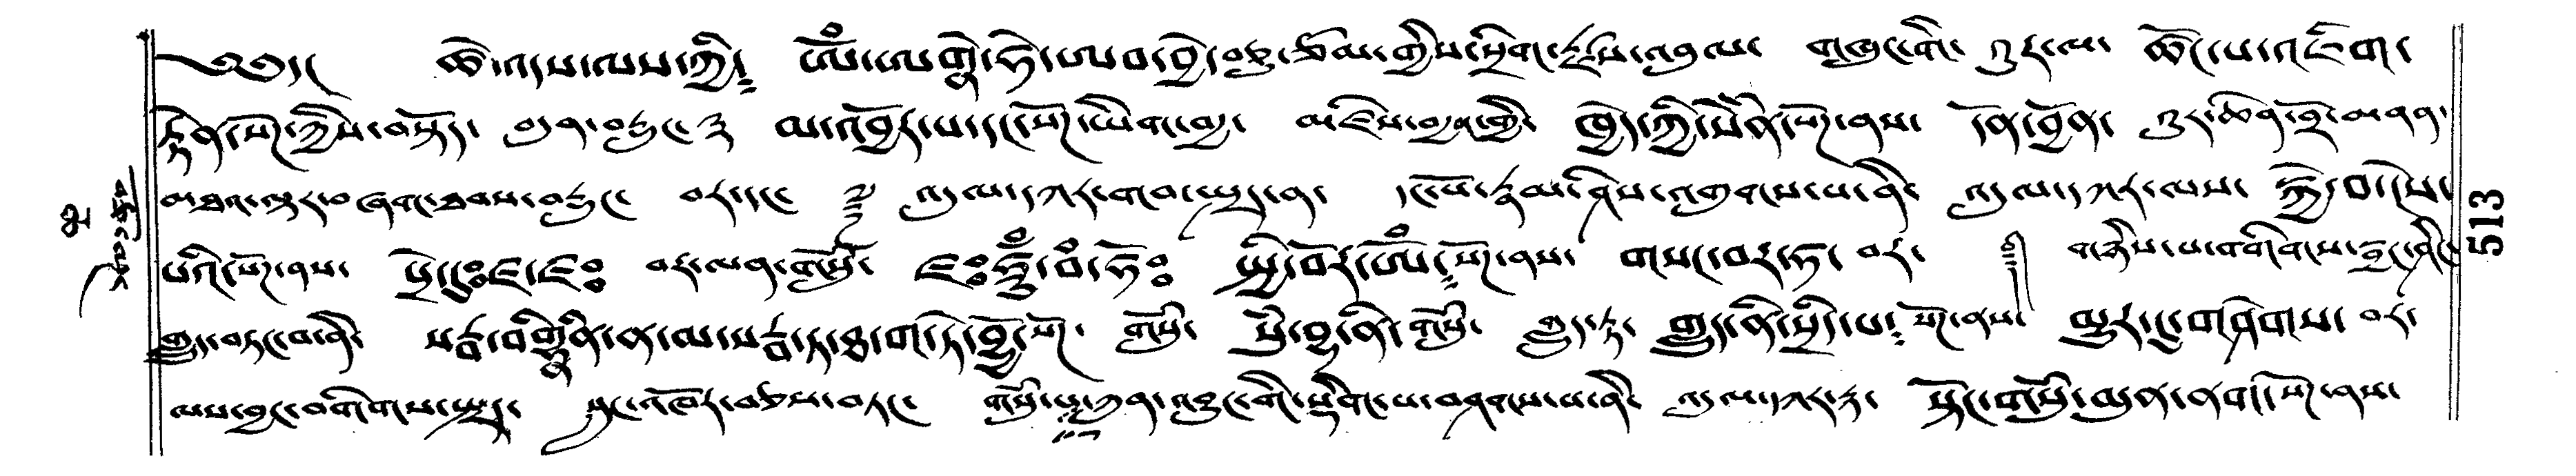ཚེ་འདས་ལས་ཀྱི༴ ཨོཾ་ཨགྣེ་ཧེ་ཨབ་བྱེ༴ བཅུ་ཙམ་གྱིས་སྲེག་རྫས་འབུལ། གཞུང་གི ( འུར་ལ། ) ཚངས་པ་འཇིག་
རྟེན༴ སོགས་ཀྱིས་བསྟོད། ( བདུན་བརྡུང་གསུམ། ) མ་འབྱོར་པ་དང༴ སོགས་ཡིག་བརྒྱ། མཛེས་བརྒྱན་གྱི། ཁྱེད་ཀྱི་སེམས་ཅན༴ སོགས་ནས། དོན་དུ་བྱོན། ( འུར་ཆེན་བྲོ་མནན་
མཐའ་ལྟར་བཞག་ཐབས་བརྡུང་། ) བར་དང་། ༈ འདུལ་དཀར་གབ་སྤྲད་ན། དང་པོ་རྣམ་ཤེས་འགུགས་པ་ནི། འདུལ་དཀར་ལས། སྐྱེ་བ་ངེས་
པའི༴ སོགས་ནས། པྲེ་དུཿཛ་ཛཿ བར་ལན་གསུམ། ཛཿཧཱུྃ་བྃ་ཧོཿ སྤྱི་བོར་ཨོཾ༴ སོགས་ནས། གསང་བར་ཧཿ བར། ༈ གཉིས་པ་བགེགས་སྦྱོང་ཤིང་
གླུད་གཏང་བ་ནི། སརྦ་བགྷྣིན་ན་མ་སརྦ་ཏ་ཐ་ག་ཏེ་བྷྱོ༴ སོགས། གསུམ། སུམ་བྷ་ནི༴ གསུམ། ( གླུད་རྟ། ) གླུད་ནི་སྲིད་པ༴ སོགས་ནས། མྱུར་དུ་གཤེགས། བར།
ལས་བྱང་བགེགས་སྤྲད། སྲུང་འཁོར་བཅས་བཏང་། གསུམ་པ་ལས་ཀུན་འབྱུང་གི་སྡིག་པ་བཤགས་པ་ནི། ( འདུལ་དཀར་རྟ། ) སྟོང་གསུམ་མུན་ནག༴ སོགས་ནས།